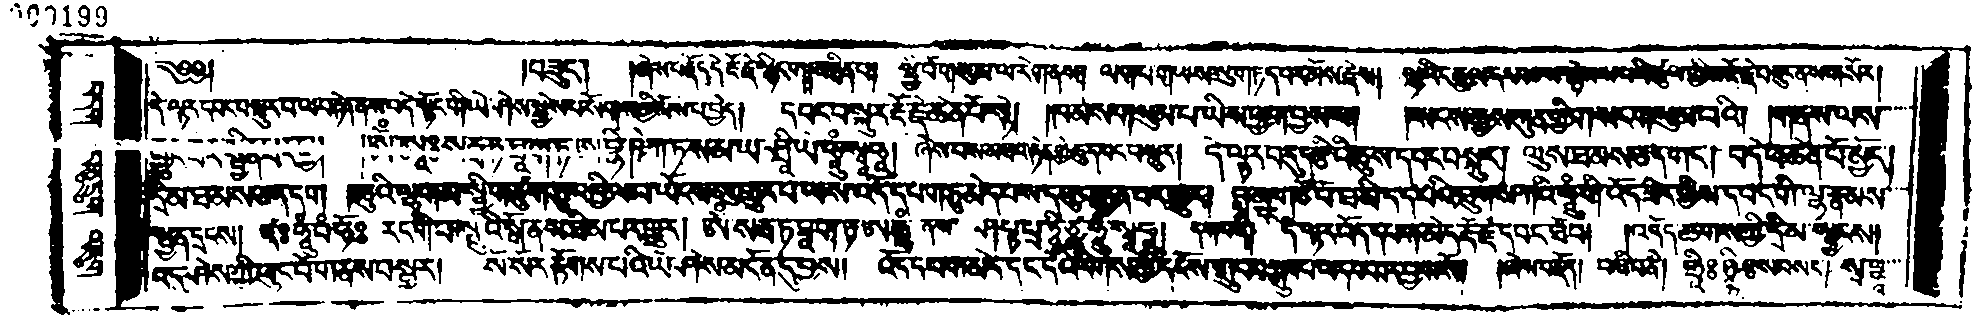༄༅། །བཟུང་། །ཞེས་བརྗོད་དེ་རྡོ་རྗེ་སྙིང་ག །མགྲིན་པ། སྤྱི་བོ་གསུམ་ལ་རེག་ནས། ལག་པ་གཡས་སུ་གཏད་པར་མོས་རྗེས། ལྷའི་ང་རྒྱལ་དང་བཅས་སྙེམས་པའི་ཚུལ་གྱིས་རྡོ་རྗེ་བཟུང་ནས་གསོར།
དེ་ལྟར་དབང་བསྐུར་བ་ལ་བརྟེན་ནས་བདེ་སྟོང་གི་ཡེ་ཤེས་སྐྱེས་པ་སོགས་ཀྱི་མོས་པ་བྱེད། དབང་བསྐུར་རྡོ་རྗེ་ཆེན་པོ་སྟེ། །ཁམས་གསུམ་པ་ཡིས་ཕྱག་བྱས་པ། །སངས་རྒྱས་ཀུན་གྱི་གསང་གསུམ་པའི། །གནས་ལས་
བྱུང་བར་སྦྱིན་པར་བྱ། །ཨོཾ་ཨཱཿ སརྦ་ཏ་ཐཱ་ག་ཏ་ཨ་བྷི་ཥེ་ཀ་ཏ་ས་མ་ཡ་ཤྲཱི་ཡེ་ཧཱུཾ་སྭཱཧཱ། ཞེས་པས་མཐའ་རྟེན་གྱི་ཆུ་དབང་བསྐུར།  དེ་ལྟར་བདུད་རྩིའི་ཆུས་དབང་བསྐུར། ལུས་ཐམས་ཅད་གང་། བདེ་བ་ཆེན་པོ་མྱོང་།
དྲི་མ་ཐམས་ཅད་དག །ཆུའི་ལྷག་མ་སྤྱི་གཙུག་ཏུ་འཁྱིལ་བ་ཡོངས་སུ་གྱུར་པ་ལས་འོད་དཔག་ཏུ་མེད་པས་དབུ་བརྒྱན་པར་གྱུར། བླ་མ་དང་གཙོ་བོ་ཐ་མི་དད་པའི་ཐུགས་ཀའི་ཧཱུཾ་གི་འོད་ཟེར་གྱིས་དབང་གི་ལྷ་རྣམས་
སྤྱན་དྲངས། ཛཿ ཧཱུཾ་བཾ་ཧོཿ རང་གི་བ་སྦུའི་སྒོ་ནས་ཐིམ་པར་གྱུར། ཨོཾ་སརྦ་ཏ་ཐཱ་ག་ཏ་ཨརྒྷཾ་ནས་ཤཔྟ་པྲ་ཏཱི་ཙྪ་ཧཱུཾ་སྭཱཧཱ། དག་པ་ནི།  དེ་ལྟར་འོད་དཔག་མེད་རྡོ་རྗེ་དབང་ཐོབ། །འདོད་ཆགས་ཀྱི་དྲི་མ་སྦྱངས།
འདུ་ཤེས་ཀྱི་ཕུང་པོ་གནས་བསྒྱུར། སོ་སོར་རྟོགས་པའི་ཡེ་ཤེས་མངོན་དུ་བྱས། འོད་དཔག་མེད་དང་དེའི་རིགས་ཀྱི་དངོས་གྲུབ་བསྒྲུབ་པ་ལ་དབང་བར་བྱས་སོ། ། ཞེས་བརྗོད།  བཞི་པ་ནི། ཧྲཱིཿ ཥྚྲཱིཿ ས་བསང་། སྭ་བྷཱ་